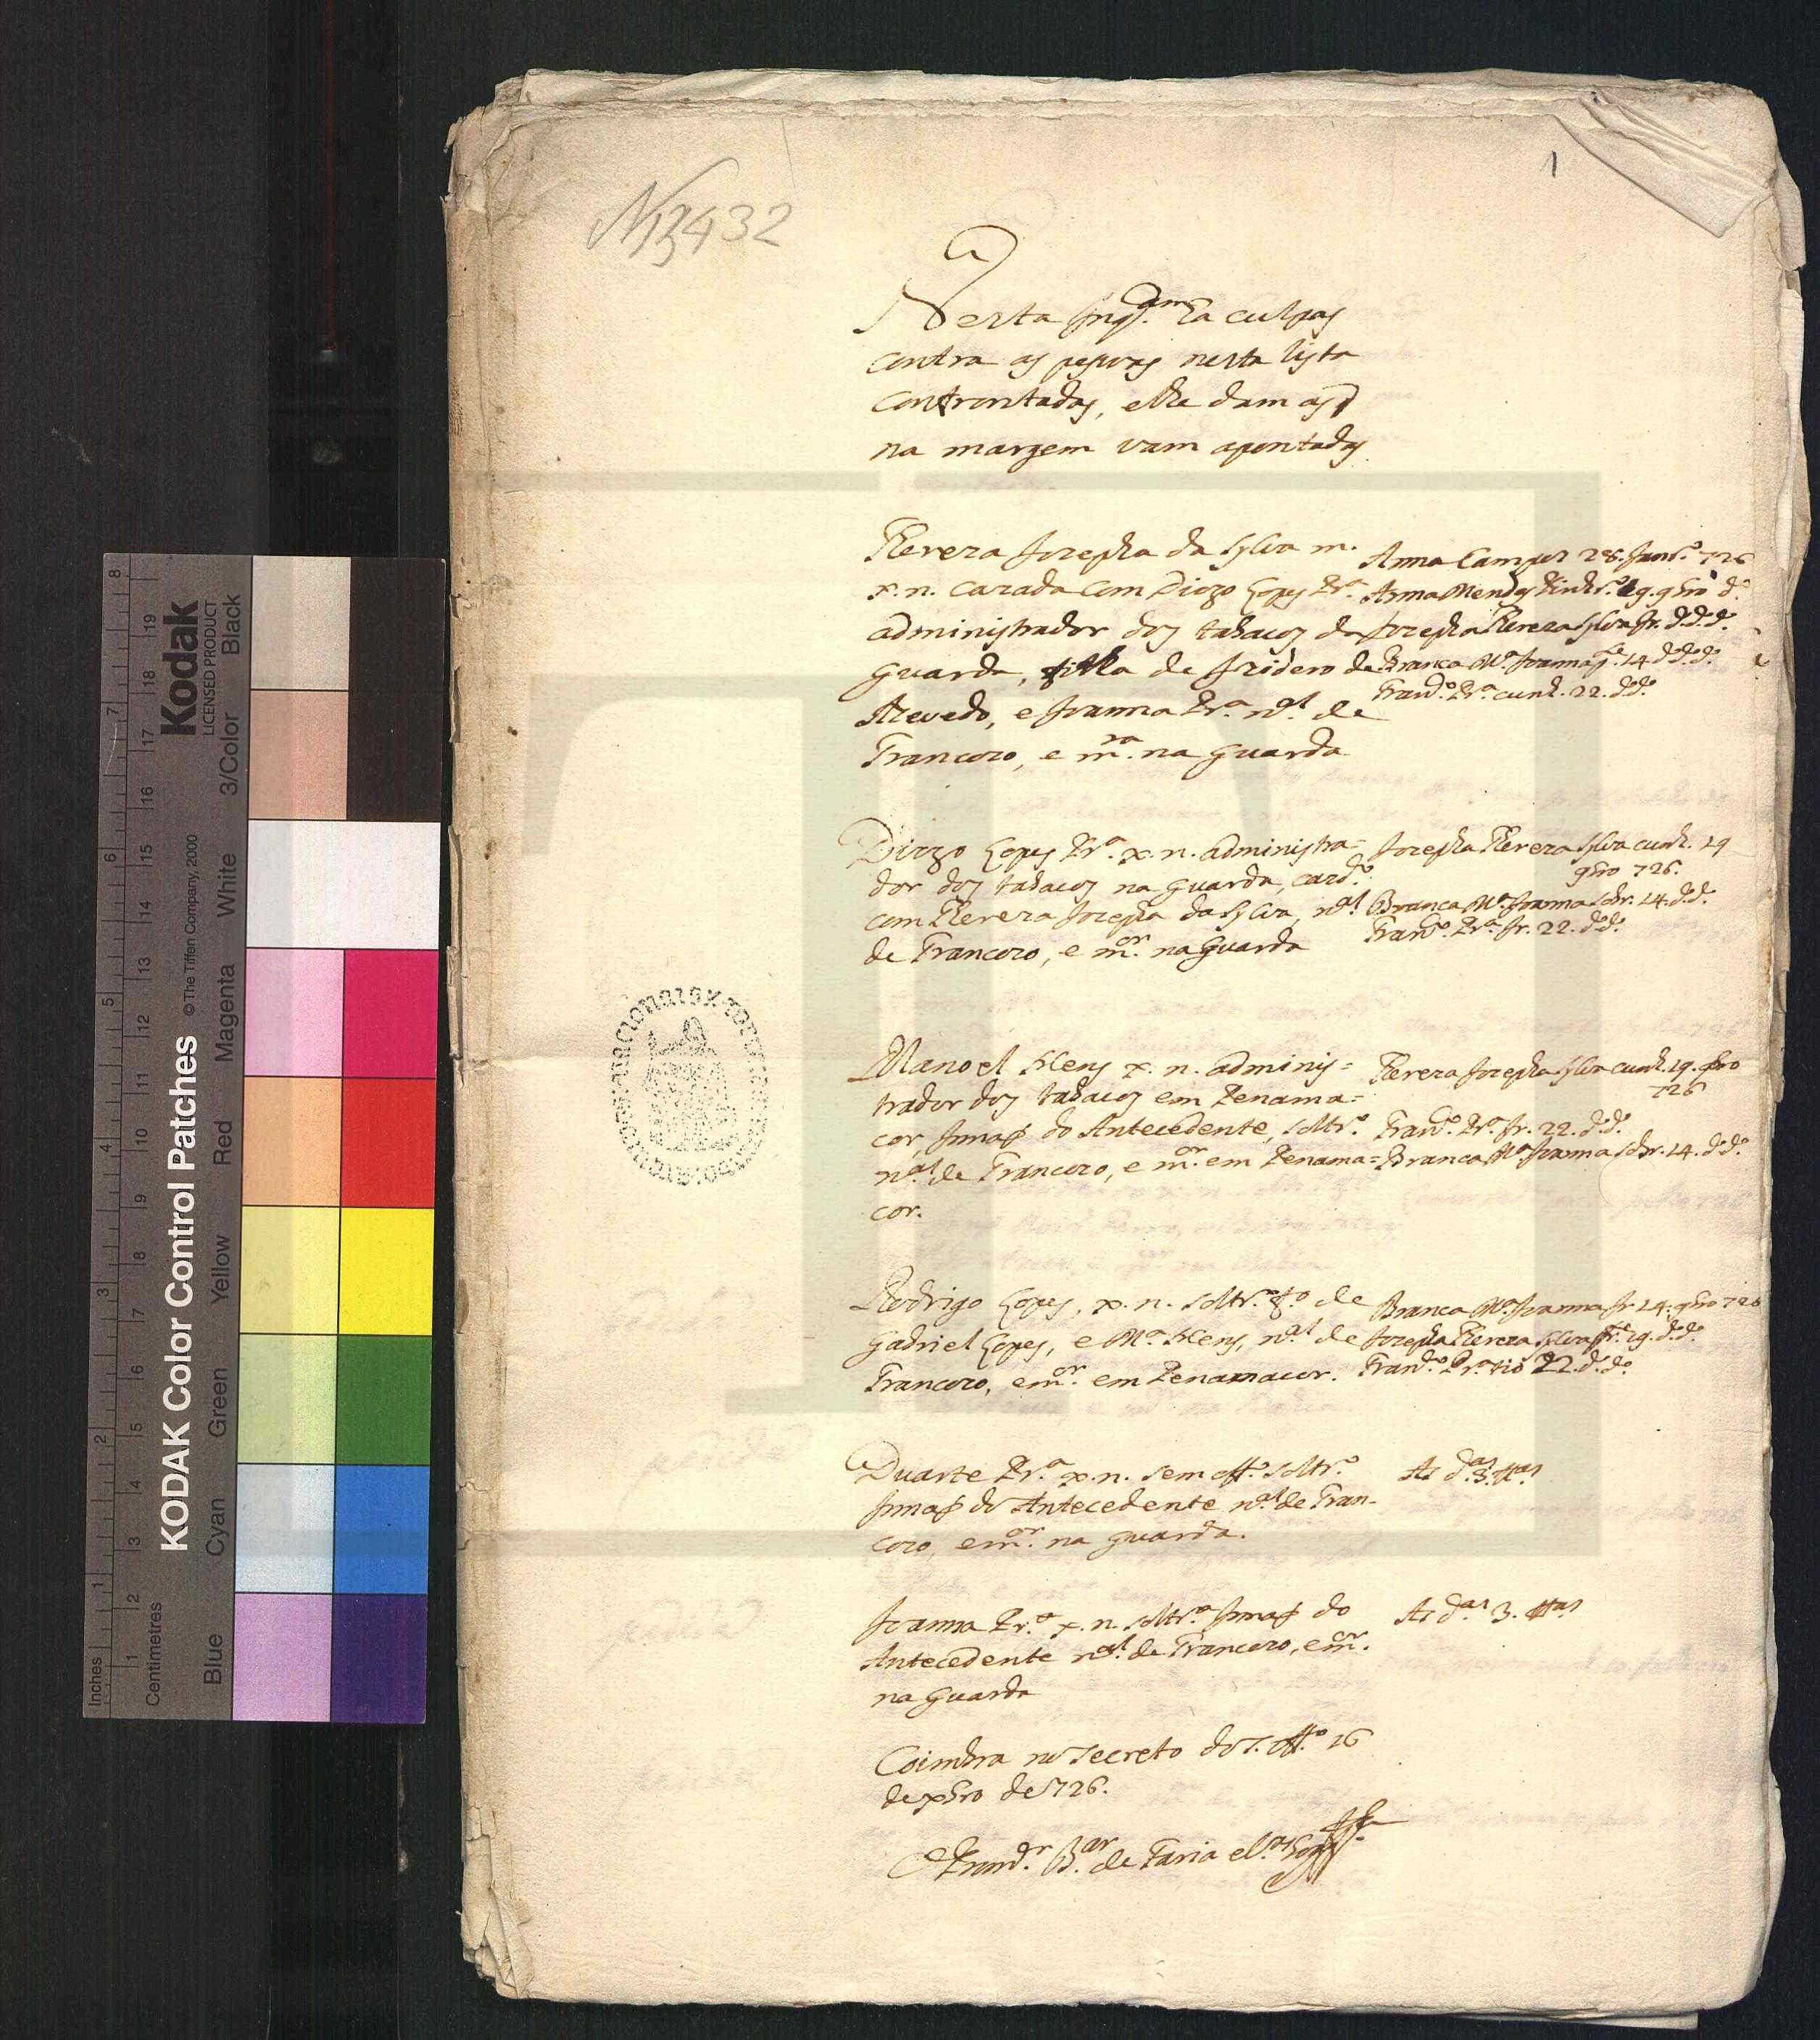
Nesta Jnq.çam ha culpas
contra as pessoas nesta lista
confrontadas, e lhe dam as q̄
na margem vam apontadas
Thereza Jozepha da Sylva m.
x. n. cazada com diogo Lopes Pr.a
administrador dos tabacos da
Guarda, filha de Jzidoro de
Azevedo, e Joanna Pr.a n.al de
Trancozo, e m.ra na Guarda
Anna Campos 28. Janr.o 726
Anna Mendes Pinhr.o 9. 9bro d.o
Jozepha Thereza Sylva Jr. d.o d.o d.o
Branca M.a Joanna p.te 14 d.o d.o d.o
Fran.co Pr.a cunh. 22. d.o d.o
Diogo Lopes Pr.a x. n. administra
dor dos tabacos na Guarda, cazd.o
com Thereza Jozepha da Sylva, n.al
de Trancozo, e m.or na Guarda
Jozepha Thereza Sylva cunh. 19
9bro 726.
Branca M.a Joana sobr. 14 d.o d.o
Franco Pr.a Jr. 22. d.o d.o
Manoel Hens x. n. adminis
trador dos tabacos em Penama
cor Jrmaõ do Antecedente, soltr.o
n.al de Trancozo, e m.or em Penama
cor.
Thereza Jozepha sylva cunh. 19. 9bro
726
Fran.co Pr.a Jr. 22. d.o d.o
Branca M.a Joanna sobr. 14. d.o d.o
Rodrigo Lopes, x. n. soltr.o f.o de
Gabriel Lopes, e M.a Hens, n.al de
Trancozo, e mor. em Penamacor.
Branca M.a Joanna Jr 14. 9bro 726
Jozepha Thereza sylva fr.e 19. d.o d.o
Fran.co Pr.a tio 22. d.o d.o
Duarte Pr.a x. n. sem off.o soltr.o
Jrmaõ do Antecedente n.al de Tran
cozo, e mor. na Guarda.
As d.a 3. tt.as
Joanna Pr.a x. n. soltr.a Jrmaꝭ do
Antecedente nal de Trancozo, e mor.
na Guarda
As d.as 3. tt.as
Coimbra no secreto do s. off.o 16
de xbro de 726.
O Prom.or B.ar de Faria e V.aslos
